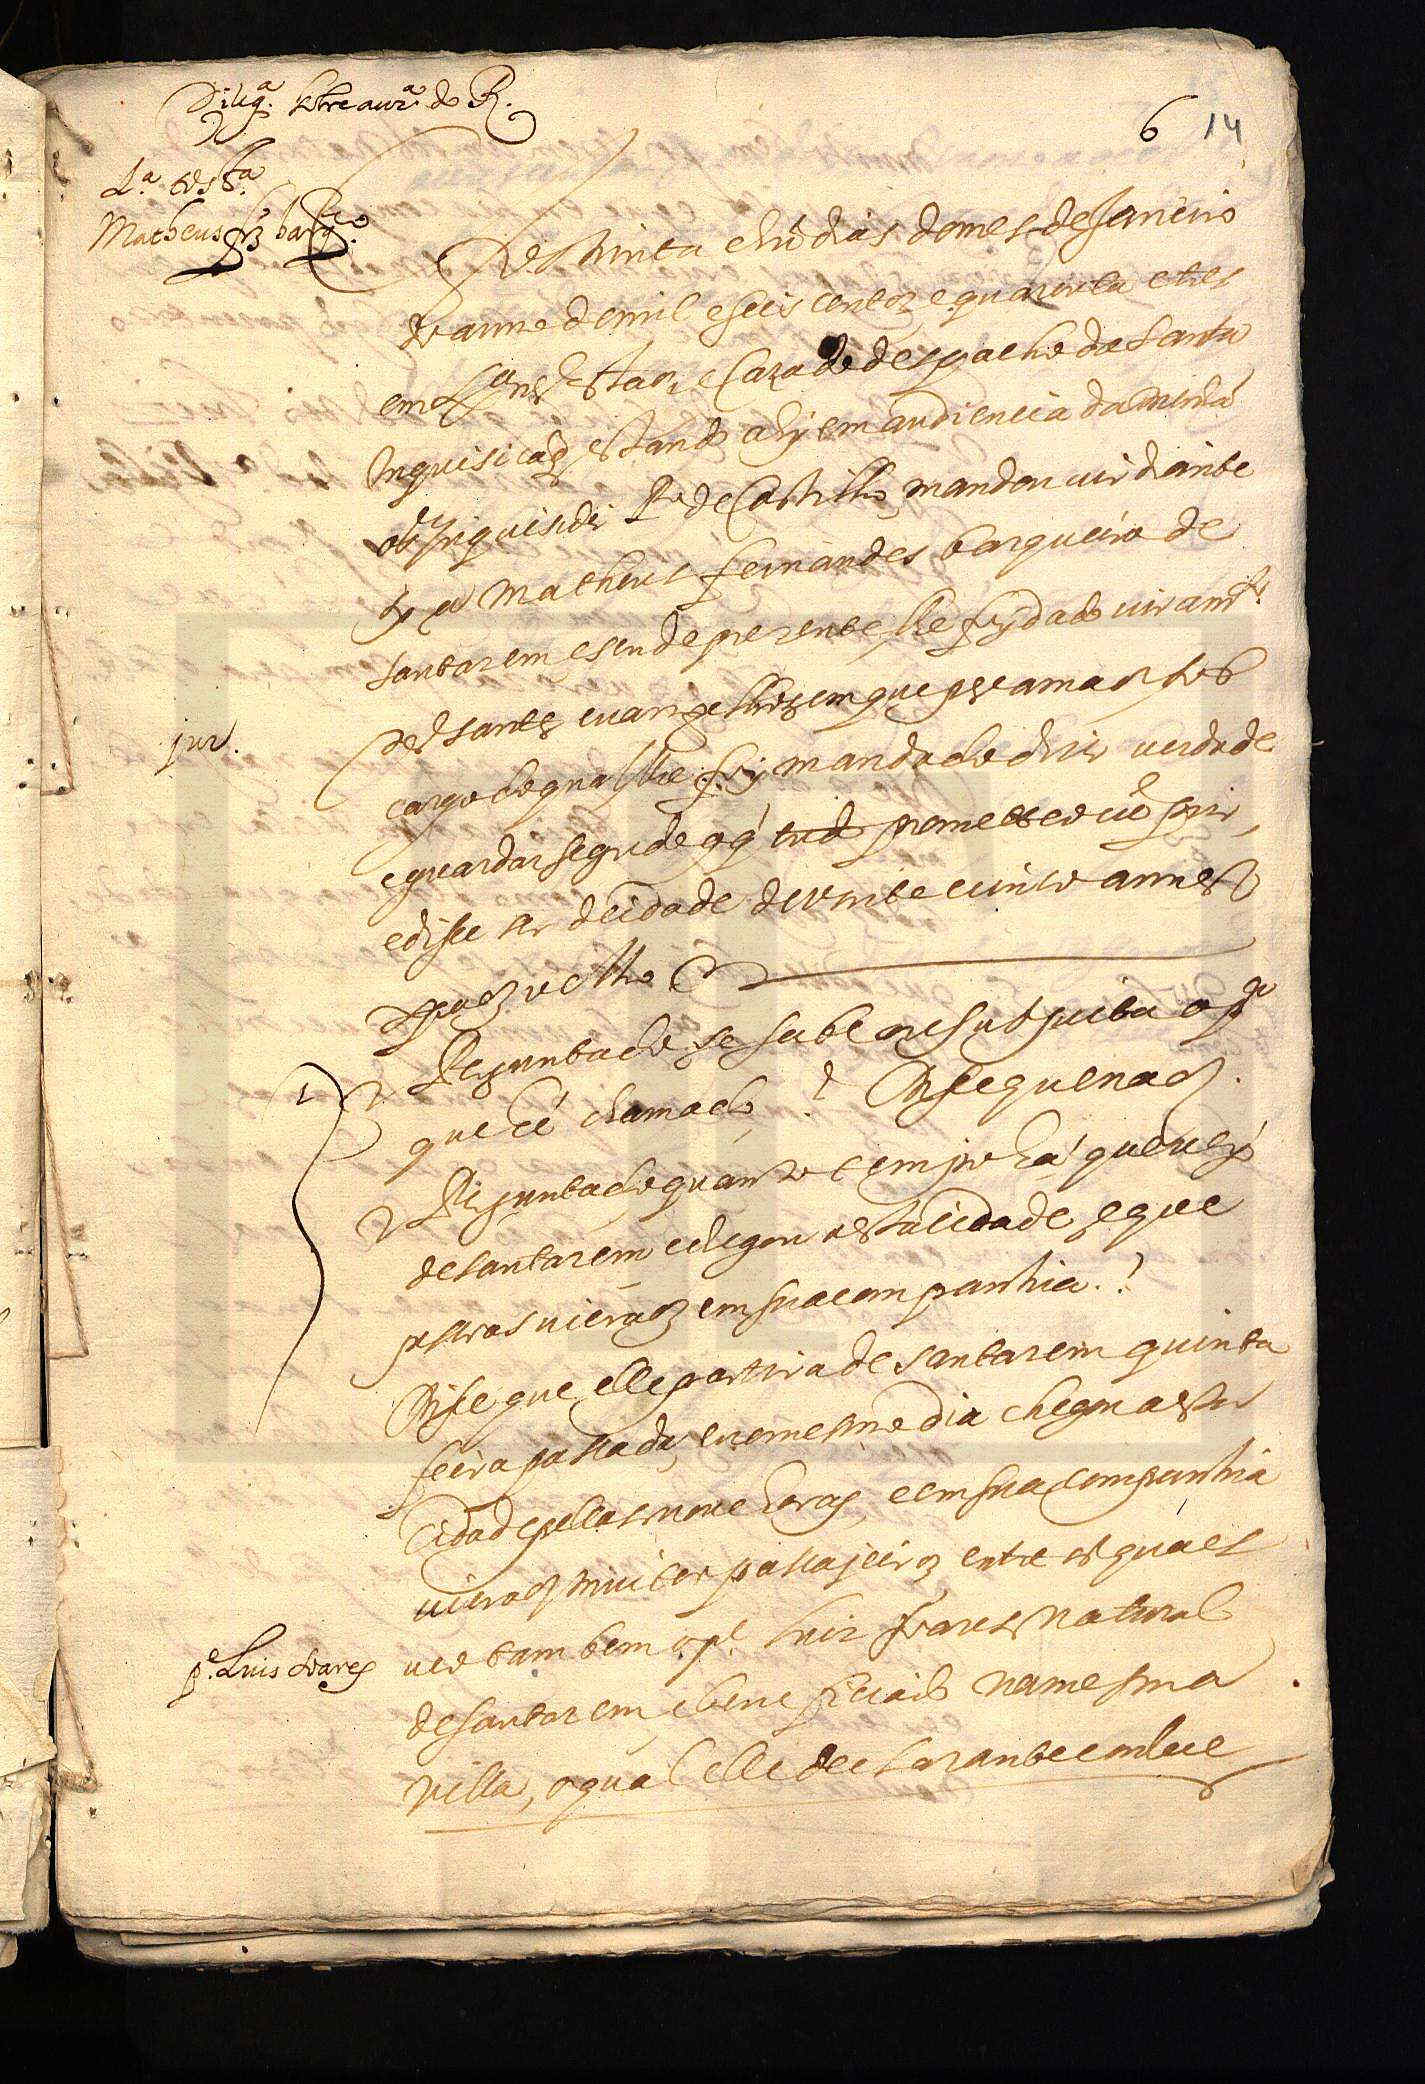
Diliga. sobre auza. do R.
1.ª test.a
Matheus Frz̄ barqro.
jur.
p.e Luis soares
Aos trinta e hū dias do mes de Janeiro
do anno de mil e seeiscentos e quarenta e tres
em Lxa nos Estaos, e Caza do despacho da santa
Inquisiçaõ estando ahy em audiencia da menhã
o sor Jnquisidor Po de Castilho, mandou uir diante
sy a matheus Fernandes barqueiro de
santarem, e sendo presente lhe foy dado iuramto.
dos santos euangelhos em que pos a maõ sob
cargo do qual lhe foy mandado dizer uerdade
e guardar segredo o q̄ tudo prometteo cūprir,
e disse ser de idade de vinte e cinco annos
xpaõ velho
Perguntado se sabe ou suspeita o pa
que hé chamado? Disse que naõ
Perguntado quanto tempo há que ueyo
de santarem, e chegou a esta cidade e que
pessoas uieraõ em sua companhia?
Disse que elle partira de santarem quinta
feira passada, e no mesmo dia chegou a esta
cidade pellas noue horas, e em sua companhia
uieraõ muitos passajeiros entre os quaes
ueo tambem o pe Luiz soares natural
de santarem, e beneficiado na mesma
villa, o qual elle declarante conhece
